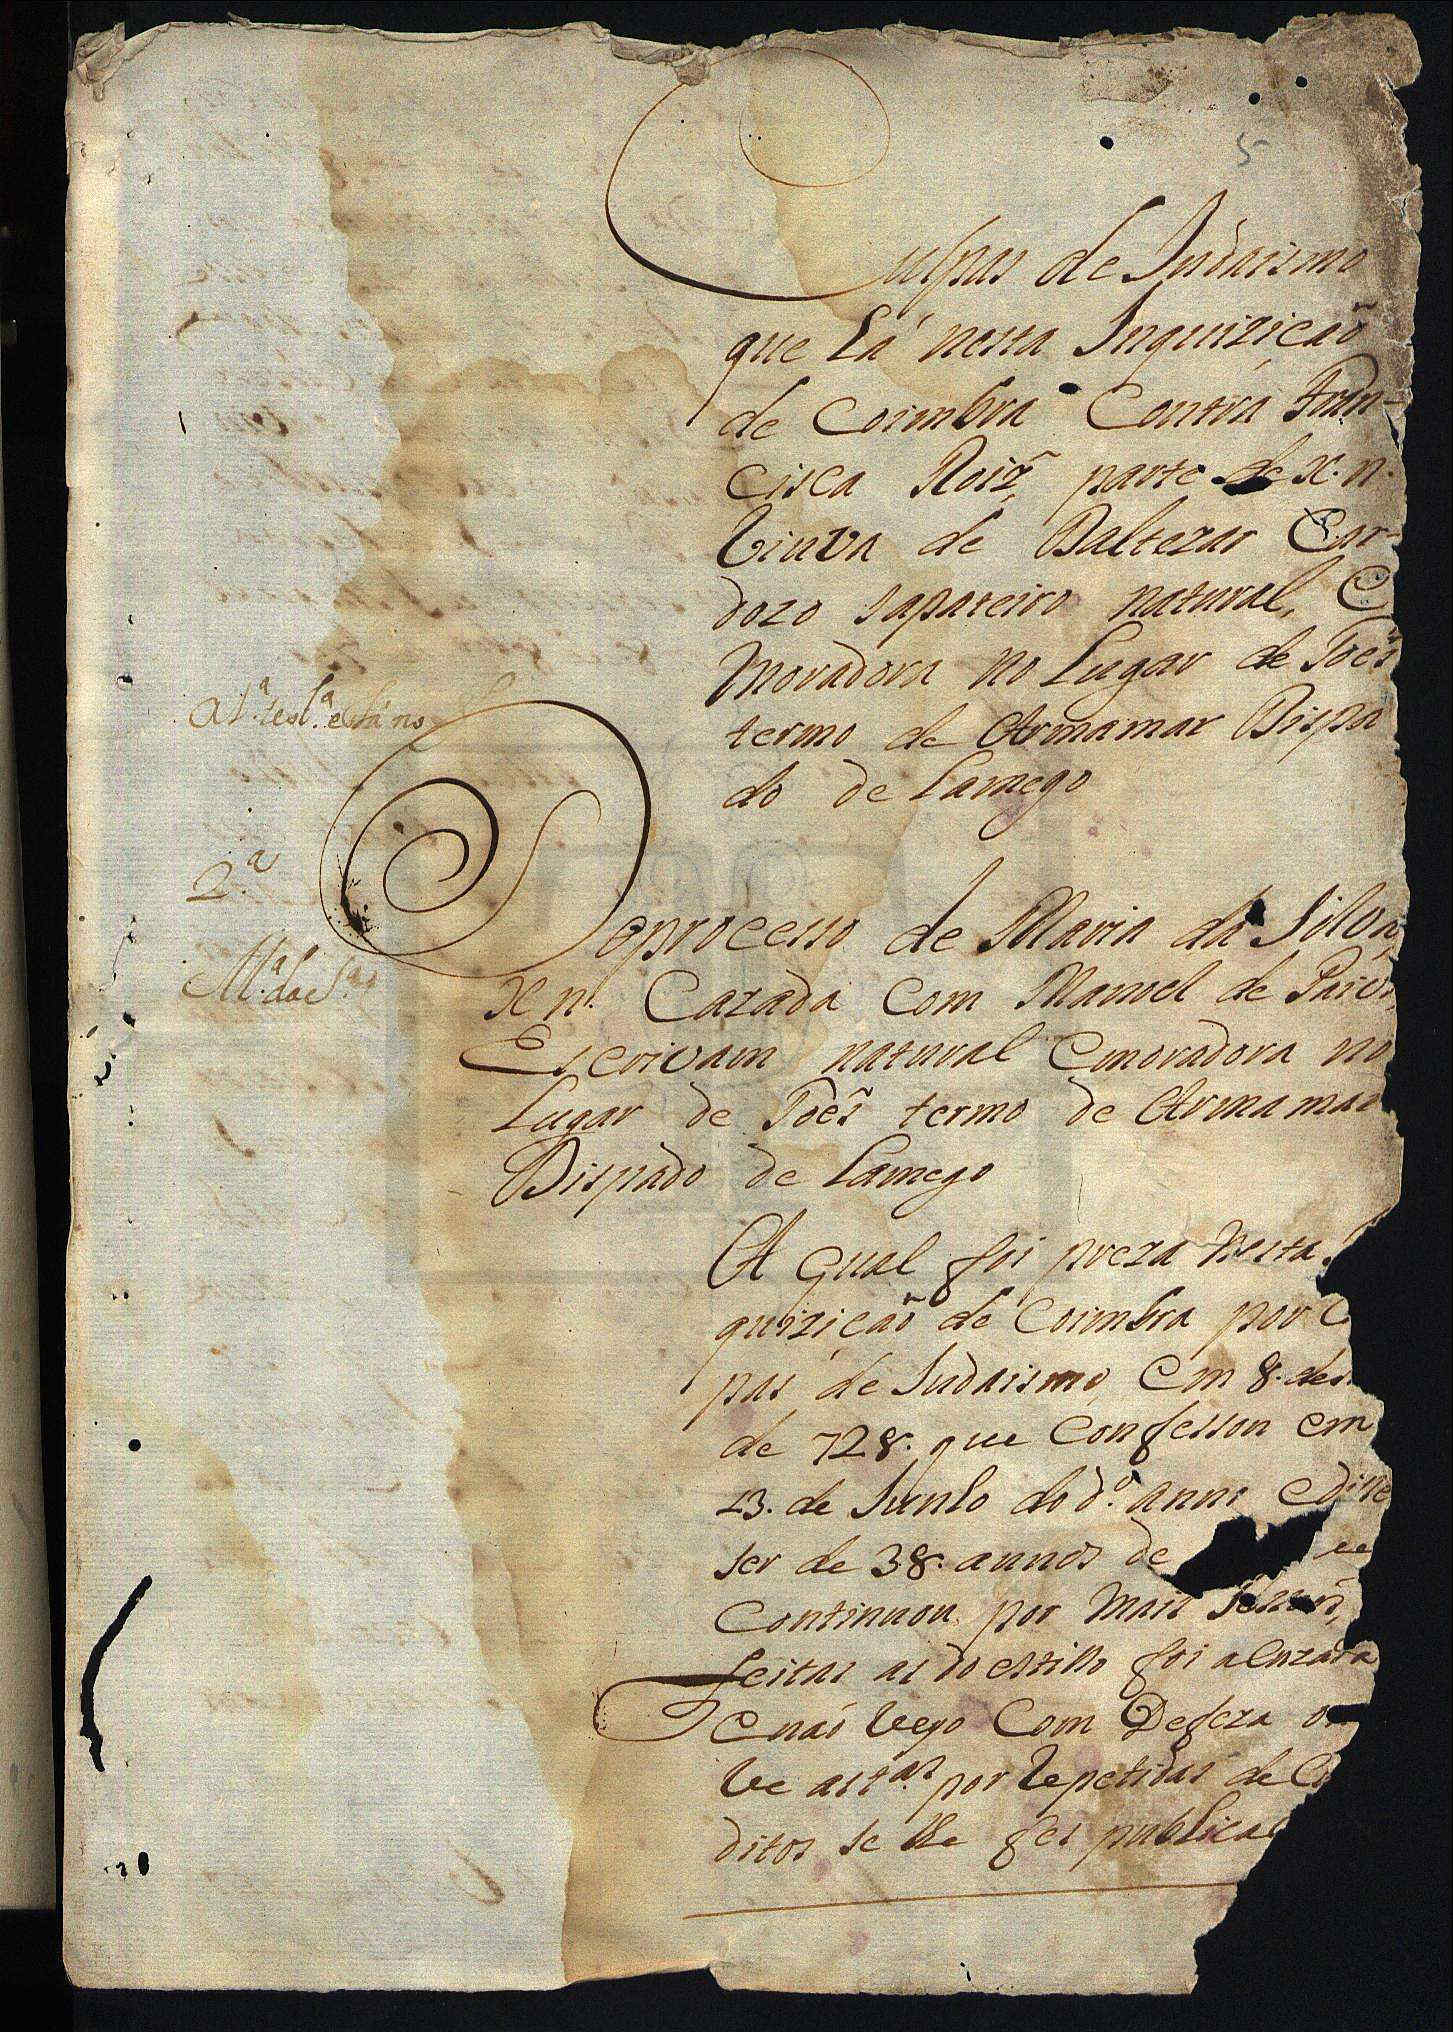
Culpas de Iudaismo
que há nesta Inquiziçaõ
de coimbra contra Fran
cisca Roiz̄, parte de x.n.
Viuva de Baltezar Car
dozo sapateiro natural, e
moradora no Lugar de Toes
termo de Armamar Bispa
do de Lamego
Do processo de Maria da Silva,
xn. cazada com Manoel de Paiv_,
Escrivam natural e moradora no
Lugar de Toez̄ termo de Armamar
Bispado de Lamego
A qual foi preza nesta I
quiziçaõ de coimbra por
pas de Iudaismo, em 8. de _
de 728. que confessou em
13. de Iunho do d.o anno e disse
ser de 38. annos de
continuou por mais sess_es̄,
feitas as do estillo foi acuzada
e naõ veyo com Defeza o
ve as t.as. por Repetidas de c
ditos se lhe fes publica
